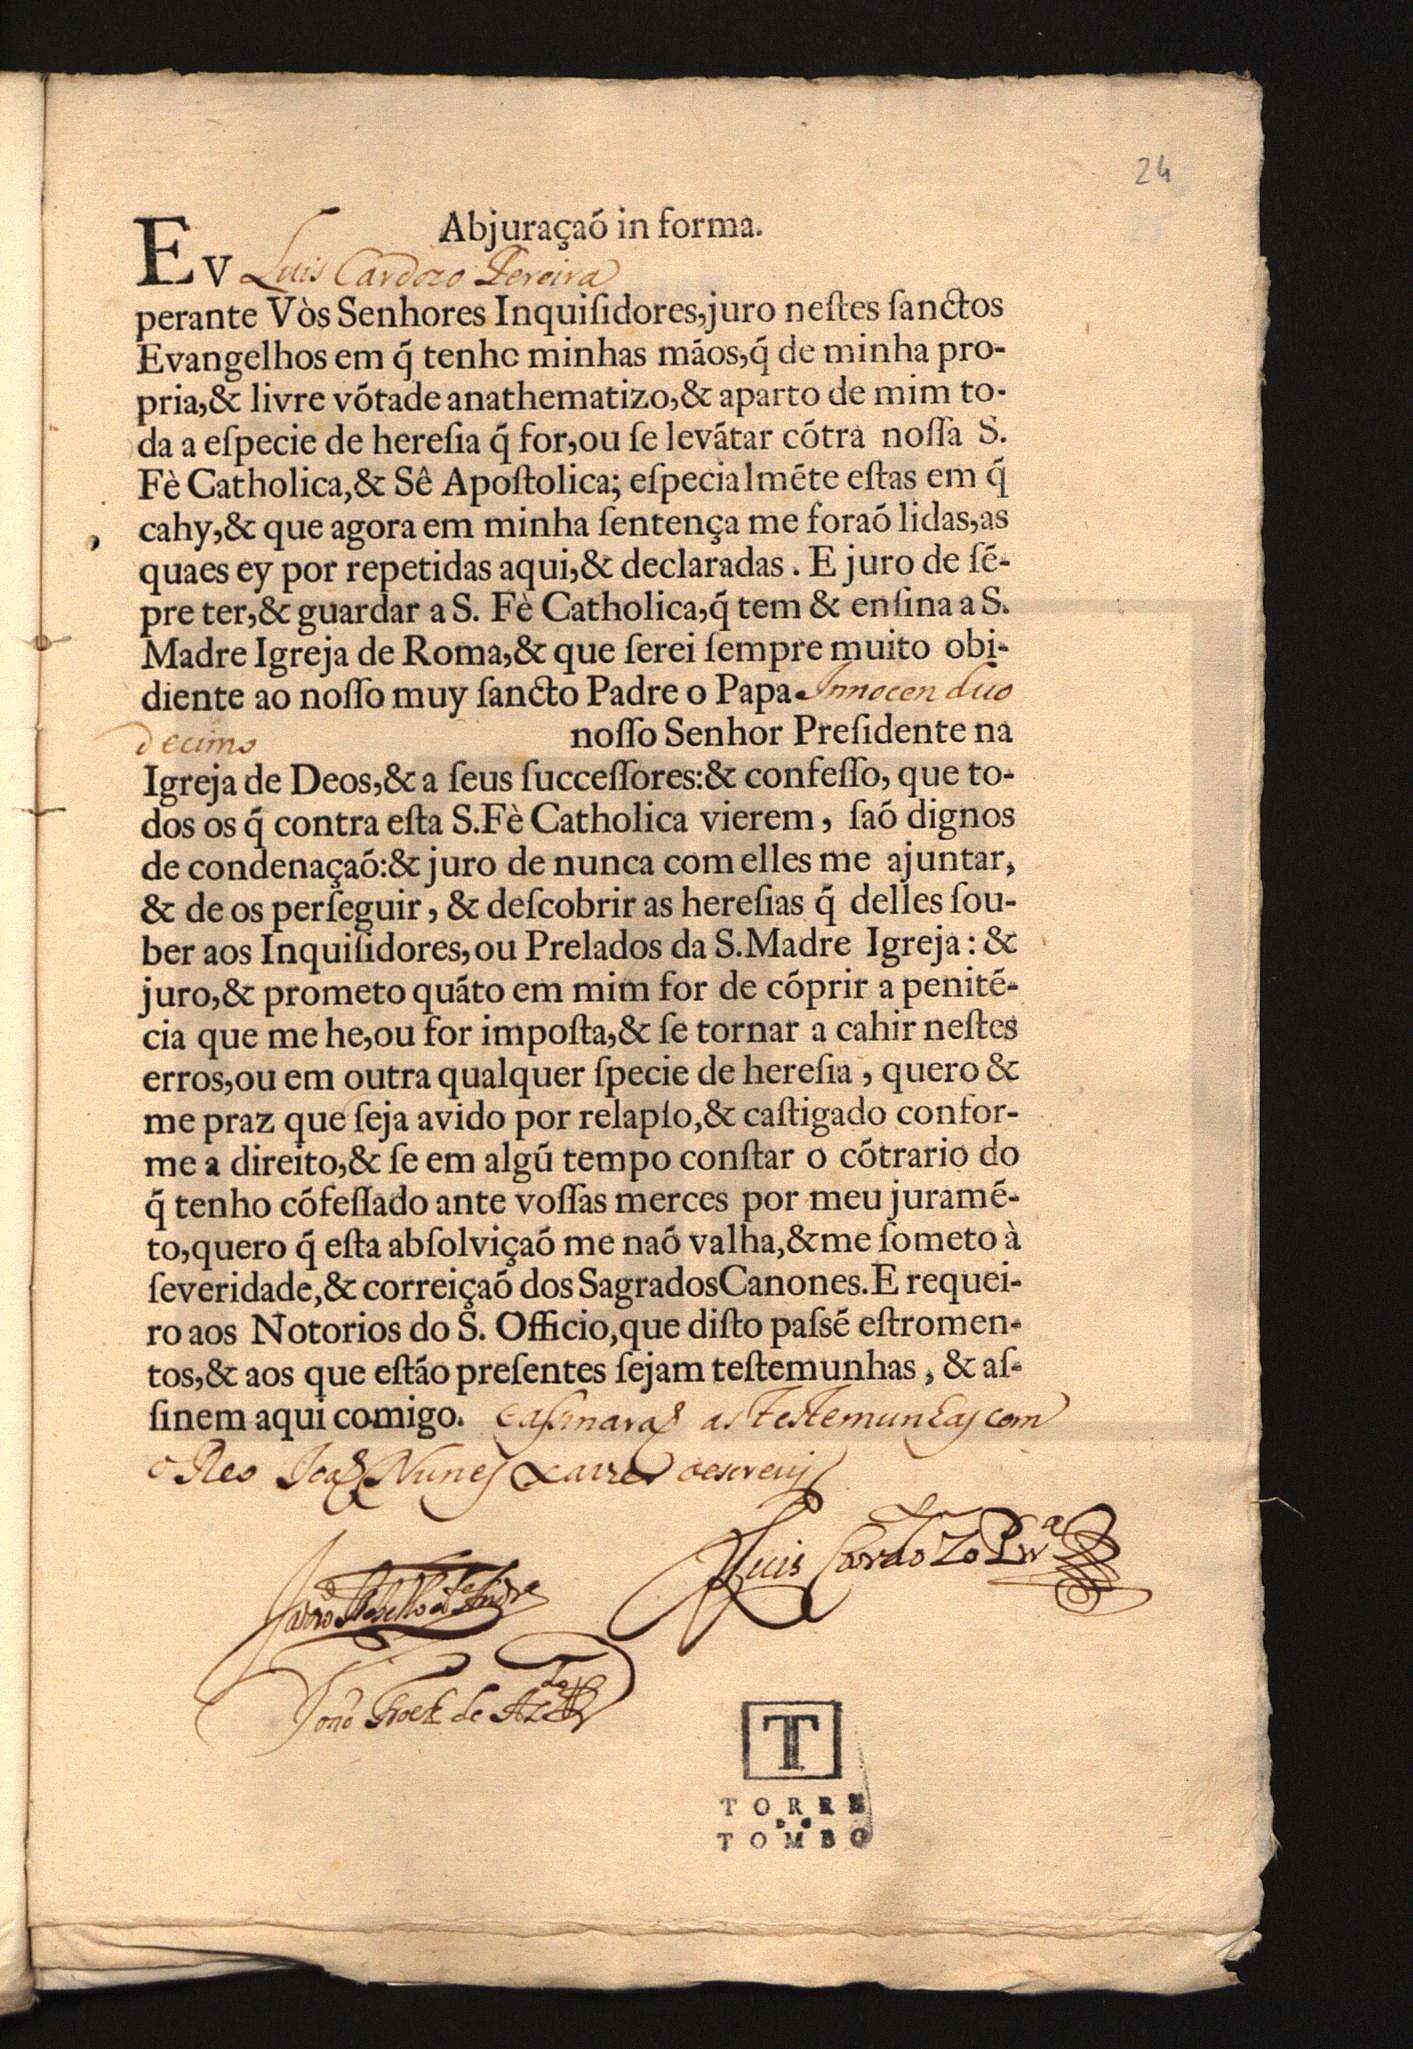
Abjuraçaõ in forma.
Ev Luis Cardozo Pereira
perante Vòs Senhores Inquisidores, juro nestes sanctos
Evangelhos em q̄ tenho minhas mãos, q̄ de minha pro
pria, & livre vōtade anathematizo, & aparto de mim to
da a especie de heresia q̄ for, ou se levātar cōtra nossa S.
Fè Catholica, & Sê Apostolica; especialmēte estas em q̄
cahy, & que agora em minha sentença me foraõ lidas, as
quaes ey por repetidas aqui, & declaradas. E juro de sē
pre ter, & guardar a S. Fè Catholica, q̄ tem & ensina a S.
Madre Igreja de Roma, & que serei sempre muito obi
diente ao nosso muy sancto Padre o Papa Innocen duo
decimo nosso Senhor Presidente na
Igreja de Deos, & a seus successores: & confesso, que to
dos os q̄ contra esta S. Fè Catholica vierem, saõ dignos
de condenaçaõ: & juro de nunca com elles me ajuntar,
& de os perseguir, & descobrir as heresias q̄ delles sou
ber aos Inquisidores, ou Prelados da S. Madre Igreja: &
juro, & prometo quāto em mim for de cōprir a penitē
cia que me he, ou for imposta, & se tornar a cahir nestes
erros, ou em outra qualquer specie de heresia, quero &
me praz que seja avido por relapso, & castigado confor
me a direito, & se em algū tempo constar o cōtrario do
q̄ tenho cōfessado ante vossas merces por meu juramē
to, quero q̄ esta absolviçaõ me naõ valha, & me someto à
severidade, & correiçaõ dos Sagrados Canones. E requei
ro aos Notorios do S. Officio, que disto passē estromen
tos, & aos que estão presentes sejam testemunhas, & as
sinem aqui comigo. e assinaraõ as testemunhas com
o Reo Joaõ Nunes xavier o escreuj
